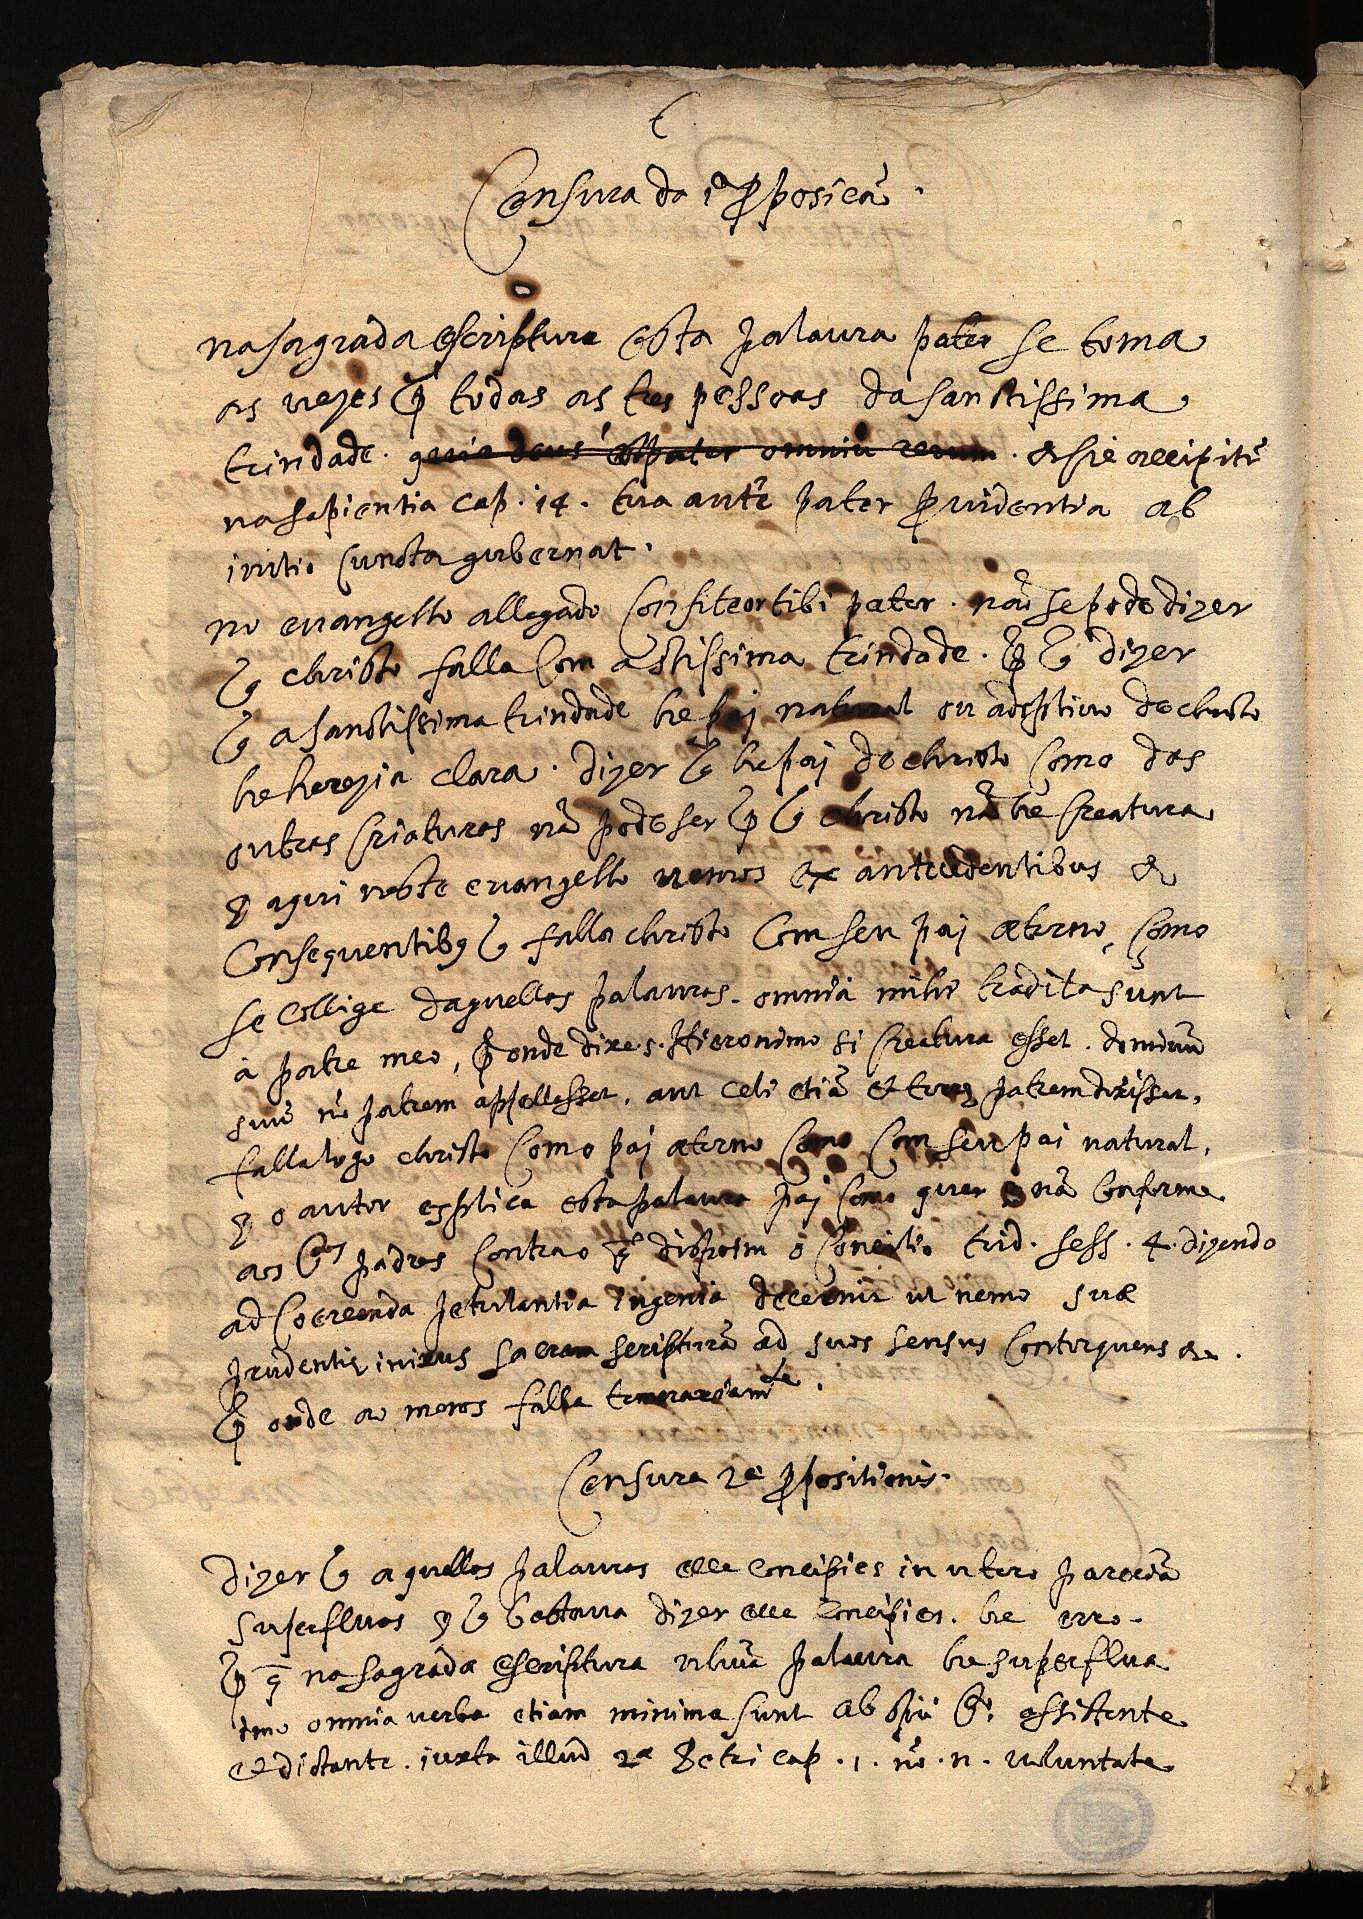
Censura da 1a ꝓposiçaõ
na sagrada escriptura esta palaura pater se toma
as uezes p̄o todas as tres pessoas da sanctissima
trindade. quia deus est pater omniū rerum. & sic accipitr̄
na Sapientia cap. i4. tua autē pater ꝓuidentia ab
initio Cuncta gubernat.
no euangelho allegado Confiteor tibi pater. naõ se pode dizer
q̄ christo falla Com a s̄tissima trindade. p̄oq̄ dizer
q̄ a sanctissima trindade he paj natural ou adoptiuo de christo
he herezia clara. dizer q̄ he paj de christo Como das
outras Criaturas naõ pode ser p̄oq̄ christo naõ he Creatura
E aqui neste euangelho uemos ex antecedentibus &
Consequentibꝯ q̄ falla christo Com seu paj æterno, Como
se collige daquellas palauras. omnia mihi tradita sunt
a patre meo, p̄o onde dixe s. Hieronimo si Creatura esset dominū
suū nō patrem appellasset, aut celi etiā & terræ patrem dixisset,
falla logo christo Como paj æterno Como Com seu pai natural,
E o autor esplica esta palaura paj Como quer _ naõ Conforme
aos stos padres Contra o q̄ dispoim o Concilio trid. sess. 4. dizendo
ad Coerenda petulantia ingenia decernit ut nemo suæ
prudentis inixus sacram scripturā ad suos sensus Contorquens &c.
p̄o onde ao menos falla temerariamte.
Censura 2a ꝓpositionis.
dizer q̄ aquellas palauras ecce concipies in utero pareciā
Superfluas E q̄ bastaua dizer ecce concipies. he erro
p̄o q̄ na sagrada escriptura nhuā palaura he superflua
imo omnia uerba etiam minima sunt ab spū s.to assistente
& dictante. iuxta illud 2a Petr cap. 1. nō n. uoluntate
